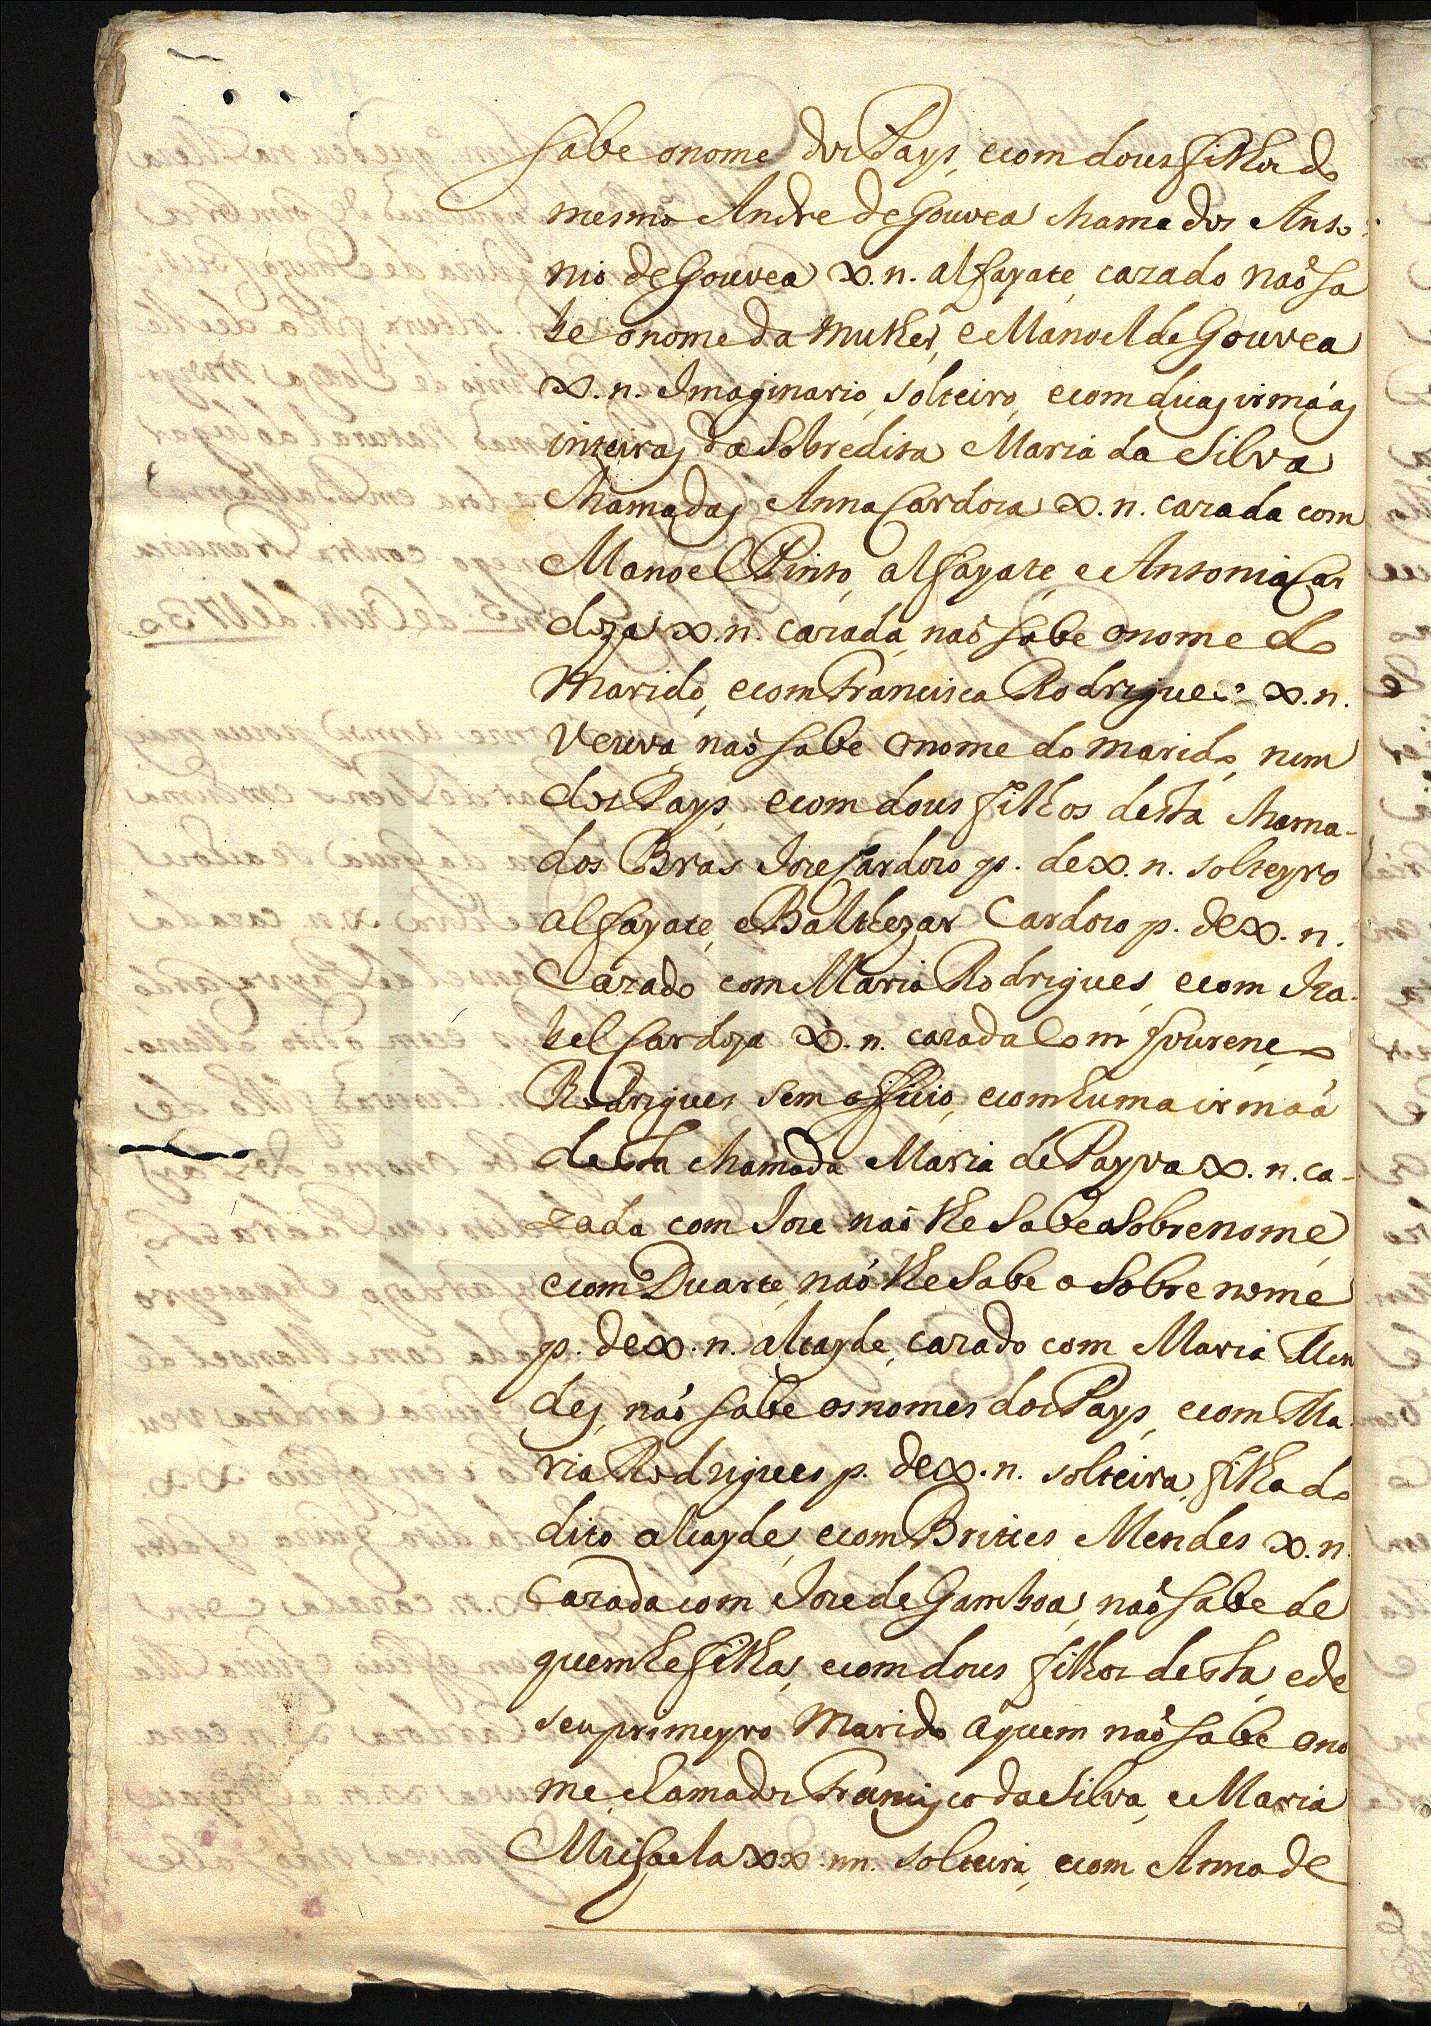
Sabe o nome dos Pays, e com dous filhos do
mesmo Andre de Gouvea chamados Anto
nio de Gouvea x. n. alfayate, cazado naõ sa
be o nome da mulher, e Manoel de Gouvea
x. n. Imaginario, solteiro, e com duas irmaãs
inteiras da sobredita Maria da Silva
chamadas Anna Cardoza x. n. cazada com
Manoel Pinto, alfayate, e Antonia Car
dozo x. n. cazada, naõ sabe o nome do
marido, e com Francisca Rodrigue_ x. n.
Veuva naõ sabe o nome do marido, nem
dos Pays, e com dous filhos desta chama
dos Bras Ioze Cardozo p. de x. n. solteyro
alfayate, e Balthezar Cardozo p. de x. n.
cazado com Maria Rodrigues, e com Iza
bel Cardoza x. n. cazada com Lourenço
Rodrigues sem officio, e com huma irmaã
desta chamada Maria de Payva x. n. ca
zada com Ioze naõ lhe sabe sobrenome,
e com Duarte, naõ lhe sabe o sobrenome
p. de x. n. alcayde, cazado com Maria Men
des, naõ sabe os nomes dos Pays, e com Ma
ria Rodrigues p. de x. n. solteira filha do
dito alcayde, e com Brittes Mendes x. n.
cazada com Ioze de Gamboa, naõ sabe de
quem he filha, e com dous filhos desta, e de
seu primeyro marido a quem naõ sabe o no
me chamados Francisco da Silva, e Maria
Michaela xx. nn. solteira, e com Anna de
